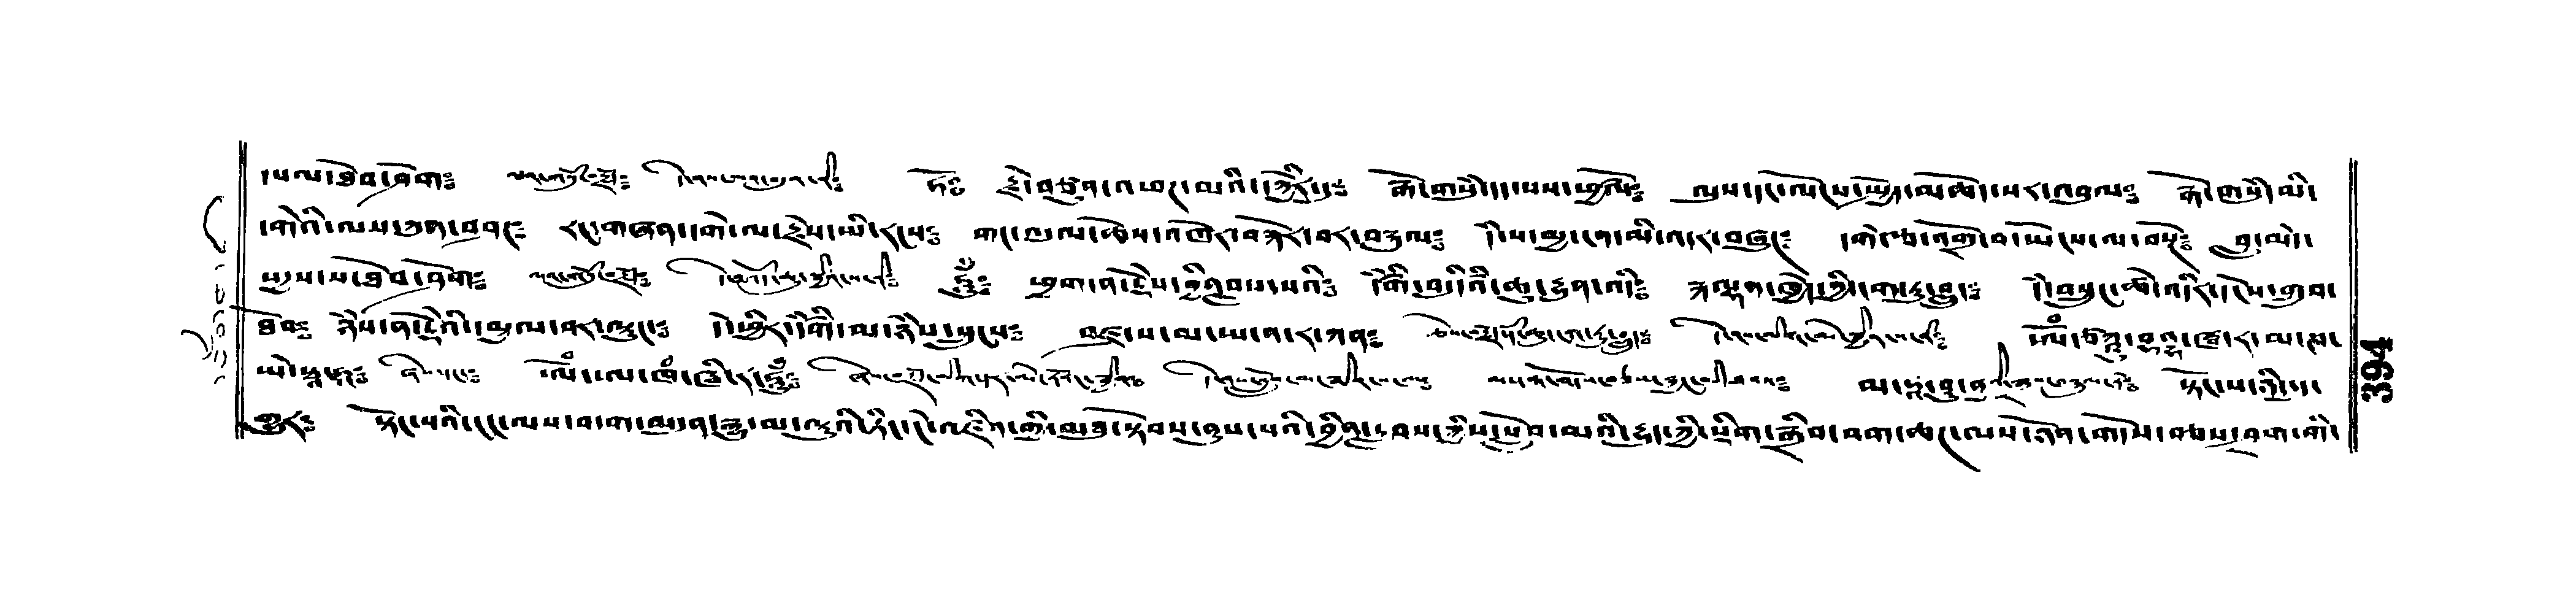དཔལ་ཐོབ་ཤོག༔ ལན་གསུམ་བརྗོད༔ དེ་ནས་ཡན་བདུན་ནི༔ ཧོཿ རྗེ་བཙུན་འཕགས་མའི་དཀྱིལ་འཁོར་དུ༔ སྒོ་གསུམ་དད་པས་ཕྱག་འཚལ་ལོ༔ ལུས་དང་ལོངས་སྤྱོད་མཆོད་པར་འབུལ༔ སྒོ་གསུམ་མི་
དགེའི་ལ་ཀུན་བཤགས༔ རང་གཞན་དགེ་ལས་རྗེས་ཡི་རངས༔ གང་འདུལ་ཆོས་འཁོར་བསྐོར་བར་བསྐུལ༔ དམ་པ་མྱ་ངན་མི་འདར་བཞུགས༔ དགེ་རྩ་འགྲོ་བ་ཡོངས་ལ་བསྔོ༔ བླ་མེད་
སངས་རྒྱས་ས་ཐོབ་ཤོག༔ ལན་གསུམ་བརྗོད༔ དེ་བས་དམ་ཆུ་སྦྱིན་པ་ནི༔ ཧཱུྃ༔ ཕྱག་ན་རྡོ་རྗེས་བྱིན་རླབས་པའི༔ དམ་ཚིག་བདུད་རྩི་ཆུ་རྒྱུན་འདི༔ སྐལ་ལྡན་ཁྱེད་ཀྱི་ངག་ཏུ་བླུད༔ དམ་སྲུང་ཚེ་འདིར་དངོས་གྲུབ་
ཐོབ༔ ཉམས་ན་རྡོ་རྗེའི་དམྱལ་བར་ལྟུང༔ དེ་ཕྱིར་དམ་ཚིག་མ་ཉམས་སྲུངས༔ བཛྲ་ས་མ་ཡ་ན་ར་ཀན༔ ཅེས་བརྗོད་དམ་ཆུ་ངག་ཏུ་བླུད༔ དེ་ནས་མིག་མེ་སྦྱིན་པ་ནི༔ ཨོཾ་ཙཀྵུ་བྷནྡྷ་ཝ་ར་མ་ཎ་
ཡེ་སྭཱ་ཧཱ༔ ཞེས་དང༔ ཨོཾ་ཨ་ཁཾ་ཝི་ར་ཧཱུྃ༔ ཞེས་བརྗོད་མིག་དར་མེ་ཏོག་སྦྱིན༔ དེ་ནས་སློབ་མ་སྨིན་པ་ལ༔ མ་དག་གདོས་བཅས་སྦྱོང་བའི་ཐབས༔ མ་ཧཱ་ཤུ་ནྱའི་སྒྲས་བསྐུལ་ཏེ༔ སྟོང་པ་ཉིད་དུ་
གྱུར༔ སྟོང་པའི་ངང་ལས་བདག་མདུན་སྒྱུ་མ་ལྟ་བུའི་ཏིང་ངེ་འཛིན་གྱི་མཐུ་སྟོབས་ནུས་པའི་བྱིན་རླབས་ཀྱིས་སློབ་མའི་རྒྱུད་ཀྱི་སྡིག་སྒྲིབ་བག་ཆགས་ལས་ཉོན་གདོས་བཅས་ཤ་ཁྲག་གི་